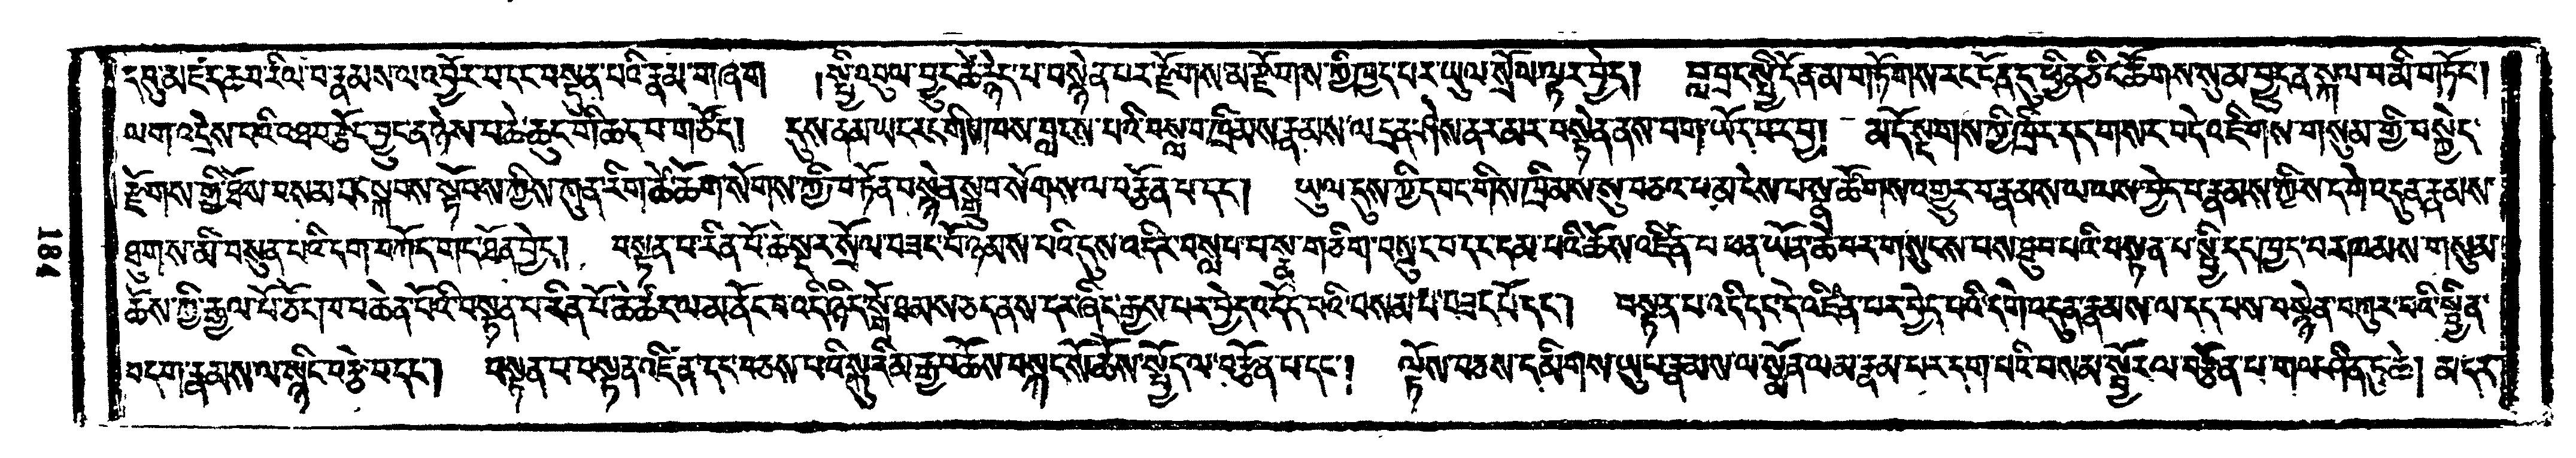དབུ་མཛད་ཆབ་རིལ་བ་རྣམས་ལ་འབྱོར་པ་དང་བསྟུན་པའི་རྣམ་གཞག །སྤྱི་འབུལ་བྱུང་ཚེ་རྙེད་པ་བསྙེན་པར་རྫོགས་མ་རྫོགས་ཀྱི་ཁྱད་པར་ཡུལ་སྲོལ་ལྟར་བྱེད། བླ་བྲང་སྤྱི་དོན་མ་གཏོགས་རང་དོན་དུ་ཕྱིན་ཅིང་ཚོགས་སུ་མ་བྱུང་ན་སྐལ་བ་མི་གཏོང་།
ལག་འདྲེས་བའི་འཐབ་རྩོད་བྱུང་ན་ཉེས་པ་ཆེ་ཆུང་གི་ཆད་བ་གཙོད། དུས་ནམ་ཡང་རང་གིས་ཁས་བླངས་པའི་བསླ་བ་ཁྲིམས་རྣམས་ལ་དྲན་ཤེས་ནར་མར་བསྟེན་ནས་བག་ཡོད་པར་བྱ། མདོ་སྔགས་ཀྱི་ཁྲིར་དང་གསང་བདེ་འཇིགས་གསུམ་གྱི་བསྐྱེད་
རྫོགས་གྱི་ཐོས་བསམ་བར་སྐབས་སྟོབས་ཀྱིས་ཀུན་རིག་ཚེ་ཆོག་སོགས་ཀྱི་ཁ་ཏོན་བསྙེན་སྒྲུབ་སོགས་ལ་བརྩོན་པ་དང་། ཡུལ་དུས་ཀྱི་དབང་གིས་ཁྲིམས་སུ་བཅའ་པ་མ་ངེས་པ་སྣ་ཚོགས་འགྱུར་བ་རྣམས་ལ་ལས་བྱེད་པ་རྣམས་ཀྱིས་དགེ་འདུན་རྣམས་
ཐུགས་མི་བསུན་པའི་དག་བཀོད་གང་ཐོན་བྱེད། བསྟན་པ་རིན་པོ་ཆེ་སྔར་སྲོལ་བཟང་པོ་ཉམས་པའི་དུས་འདིར་བསླབ་པ་སྣ་གཅིག་བསྲུང་བ་དང་དམ་པའི་ཆོས་འཛིན་པ་ཕན་ཡོན་ཆེ་བར་གསུངས་པས་ཐུབ་པའི་བསྟན་པ་སྤྱི་དང་ཁྱད་པར་ཁམས་གསུམ་
ཆོས་ཀྱི་རྒྱལ་པོ་ཙོང་ཁ་པ་ཆེན་པོའི་བསྟན་པ་རིན་པོ་ཆེ་ཚང་ལ་མ་ནོང་བ་འདི་ཉིད་སྒོ་ཐམས་ཅད་ནས་དར་ཞིང་རྒྱས་པར་བྱེད་འདོད་པའི་བསམ་པ་བཟང་པོ་དང་། བསྟན་པ་འདི་དང་དེ་འཛིན་པར་བྱེད་པའི་དགེ་འདུན་རྣམས་ལ་དད་པས་བསྙེན་བཀུར་བའི་སྦྱིན་
བདག་རྣམས་ལ་སྙིང་བརྩེ་བ་དང་། བསྟན་པ་བསྟན་འཛིན་དང་བཅས་པའི་སྐུ་རིམ་རྒྱབ་ཆོས་བསྐང་སོ་ཆོས་སྤྱོད་ལ་བརྩོན་པ་དང་། ལྟོས་བཅས་དམིགས་ཡུལ་རྣམས་ལ་སྨོན་ལམ་རྣམ་པར་དག་པའི་བསམ་སྦྱོར་ལ་བརྩོན་པ་གལ་ཤིན་ཏུ་ཆེ། མདར་